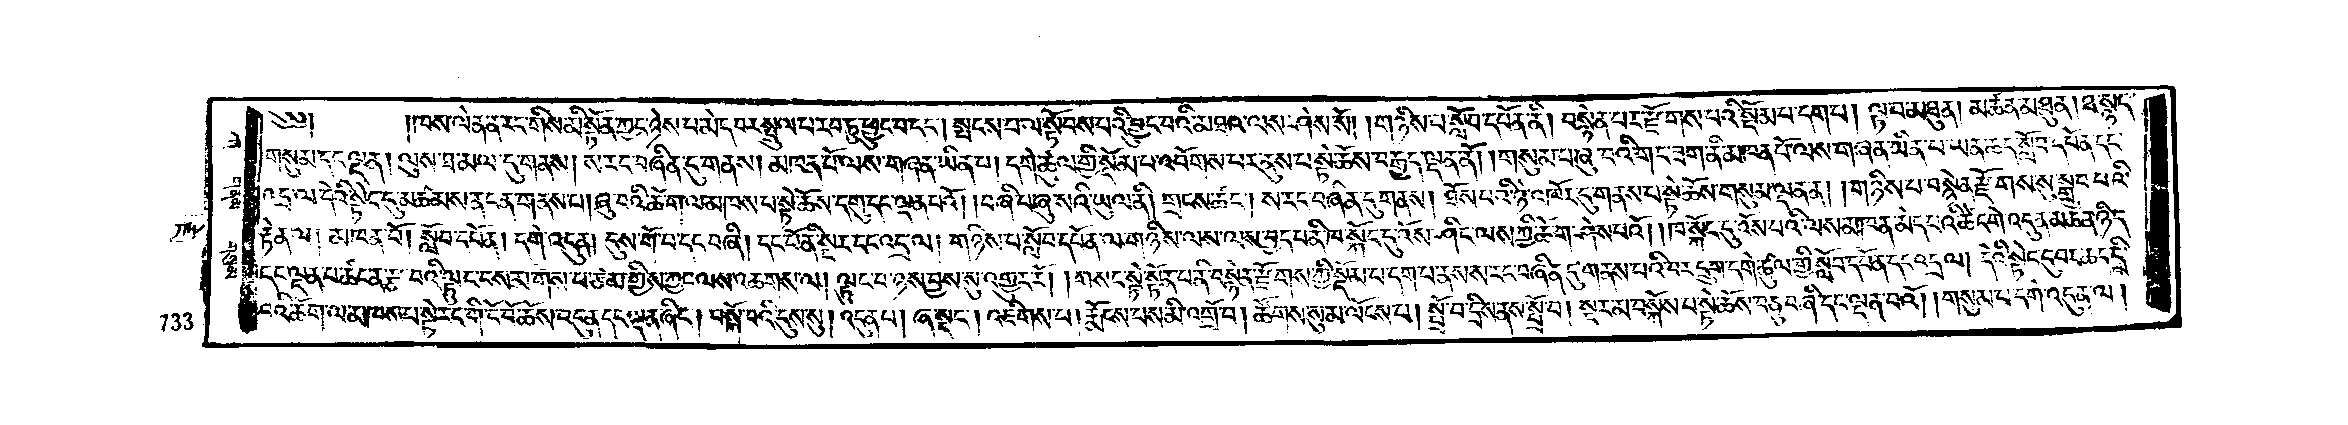༄༅། །ཁས་ལེན་ན་རང་གིས་མི་སྟོན་ཀྱང་ཉེས་པ་མེད་པར་སྤྲུལ་པ་རབ་ཏུ་ཕྱུང་བ་དང་། སྤངས་པ་ལ་སྟོབས་པའི་བྱུང་བའི་མཐའ་ལས་ཤེས་སོ། །གཉིས་པ་སློབ་དཔོན་ནི། བསྙེན་པར་རྫོགས་པའི་སྡོམ་པ་དག་པ། ལྟ་བ་མཐུན། མཚན་མཐུན། ཐ་སྙད་
གསུམ་དང་ལྡན། ལུས་ཐ་མལ་དུ་གནས། ས་རང་བཞིན་དུ་གནས། མཁན་པོ་ལས་གཞན་ཡིན་པ། དགེ་ཚུལ་གྱི་སྡོམ་པ་འབོགས་པར་ནུས་པ་སྟེ་ཆོས་བརྒྱད་ལྡན་ནོ། །གསུམ་པ་ཞུ་བའི་གང་ཟག་ནི་མཁན་པོ་ལས་གཞན་ཡིན་པ་ཡན་ཆད་སློབ་དཔོན་དང་
འདྲ་ལ་དེའི་སྟེང་དུ་མཚམས་ནང་ན་གནས་པ། ཞུ་བའི་ཆོ་ག་ལ་མཁས་པ་སྟེ་ཆོས་དགུ་དང་ལྡན་པའོ། །བཞི་པ་ཞུ་སའི་ཡུལ་ནི། གྲངས་ཚང་། ས་རང་བཞིན་དུ་གནས། ཐོས་པའི་ཉེ་འཁོར་དུ་གནས་པ་སྟེ་ཆོས་གསུམ་ལྡན་ན། །གཉིས་པ་བསྙེན་རྫོགས་སུ་སྒྲུབ་པའི་
རྟེན་ལ། མཁན་པོ། སློབ་དཔོན། དགེ་འདུན། དུས་གོ་བ་དང་བཞི། དང་པོ་ནི་སྔར་དང་འདྲ་ལ། གཉིས་པ་སློབ་དཔོན་ལ་གཉིས་ལས་ལས་ལས་བྱད་པ་ནི་ཁ་སྐོང་དུ་འོས་ཤིང་ལས་ཀྱི་ཆོ་ག་ཤེས་པའོ། །ཁ་སྐོང་དུ་འོས་པའི་ལས་མཁན་མེད་པའི་ཚེ་དགེ་འདུན་མཚན་ཉིད་
དང་ལྡན་པ་ཚང་ན་རྩ་བའི་ལྟུང་ངས་མ་གས་པ་ཙམ་གྱིས་ཀྱང་ལས་འཆགས་ལ། ལྟུང་པ་ཉས་བྱས་སུ་འགྱུར་རོ། །གསང་སྟེ་སྟོན་པ་ནི་བསྙེན་རྫོགས་ཀྱི་སྡོམ་པ་དག་པ་ནས་ས་རང་བཞིན་དུ་གནས་པའི་བར་དྲུག་དགེ་ཚུལ་གྱི་སློབ་དཔོན་དང་འདྲ་ལ། དེའི་སྟེང་དུ་བར་ཆད་དྲི་
བའི་ཆོག་ལ་མཁས་པ་སྟེ་རང་གི་ངོ་བོ་ཆོས་བདུན་དང་ལྡན་ཞིང་། བསྐོ་བའི་དུས་སུ། འདུན་པ། ཞ་སྡང་། འཇིགས་པ། རྨོངས་པས་མི་འགྲོ་བ། ཚོགས་སུ་མ་ལོངས་པ། སྤྲོ་བ་དྲིས་ནས་སྤྲོ་བ། སྔར་མ་བསྐོས་པ་སྟེ་ཆོས་བཅུ་བཞི་དང་ལྡན་པའོ། །གསུམ་པ་དགེ་འདུན་ལ།